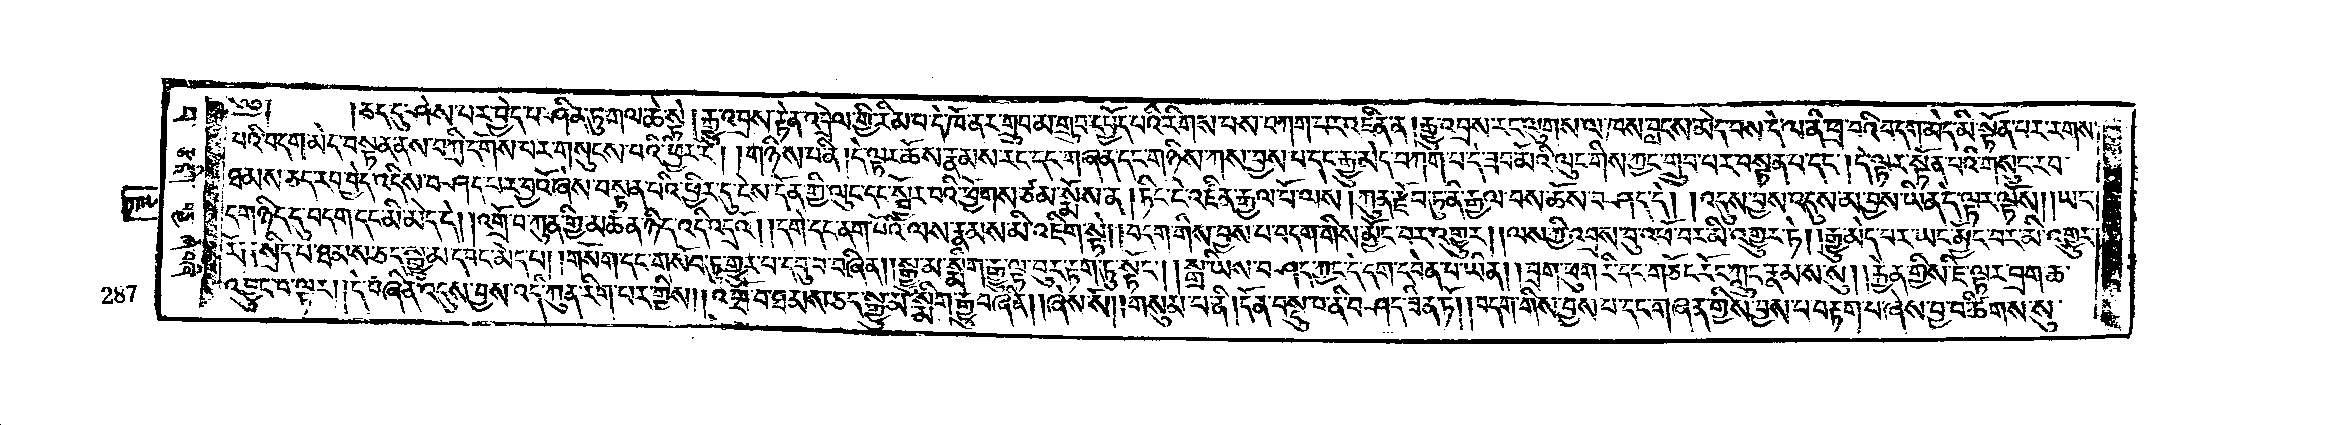༄༅། །ཅད་དུ་ཤེས་པར་བྱེད་པ་ཤིན་ཏུ་གལ་ཆེ་སྟེ། རྒྱུ་འབྲས་རྟེན་འབྲེལ་གྱི་རིམ་པ་དེ་ཁོ་ནར་གྲུབ་མ་གྲུབ་དཔྱོད་པའི་རིགས་པས་བཀག་པ་འཛིན་ན། རྒྱུ་འབྲས་རང་ལུགས་ལ་ཁས་བླངས་མེད་པས་དེ་ལ་ནི་ཕྲ་བའི་བདག་མེད་མི་སྟོན་པར་རགས་
པའི་བདག་མེད་བསྟན་ནས་བཀྲི་དགོས་པར་གསུངས་པའི་ཕྱིར་རོ། །གཉིས་པ་ནི། དེ་ལྟར་ཆོས་རྣམས་རང་དང་གཞན་དང་གཉིས་ཀས་བྱས་པ་དང་རྒྱུ་མེད་བཀག་པ་དེ་ཟབ་མོའི་ལུང་གིས་ཀྱང་གྲུབ་པར་བསྟན་པ་དང་། དེ་ལྟར་སྟོན་པའི་གསུང་རབ་
ཐམས་ཅད་རབ་བྱེད་འདིས་བཤད་པར་བྱའོ་ཞེས་བསྟན་པའི་ཕྱིར་དུ་ངེས་དོན་གྱི་ལུང་དང་སྦྱོར་བའི་ཕྱོགས་ཙམ་སྨོས་ན། ཏིང་ངེ་འཛིན་རྒྱལ་པོ་ལས། ཀུན་རྫོབ་ཏུ་ནི་རྒྱལ་བས་ཆོས་བཤད་དེ། །འདུས་བྱས་འདུས་མ་བྱས་ཡིན་དེ་ལྟར་ལྟོས། །ཡང་
དག་ཉིད་དུ་བདག་དང་མི་མེད་དེ། །འགྲོ་བ་ཀུན་གྱི་མཚན་ཉིད་འདི་འདྲའོ། །དགེ་དང་ནག་པོའི་ལས་རྣམས་མི་འཇིག་སྟེ། །བདག་གིས་བྱས་པ་བདག་གིས་མྱོང་བར་འགྱུར། །ལས་ཀྱི་འབྲས་བུ་འཕོ་བར་མི་འགྱུར་ཏེ། །རྒྱུ་མེད་པར་ཡང་མྱོང་བར་མི་འགྱུར་
རོ། །སྲིད་པ་ཐམས་ཅད་སྒྱུ་མ་དབང་མེད་པ། །གསོག་དང་གསོབ་ཏུ་གྱུར་པ་དབུ་བ་བཞིན། །སྒྱུ་མ་སྨིག་རྒྱུ་ལྟ་བུར་རྟག་ཏུ་སྟོང་། །སྒྲ་ཡིས་བཤད་ཀྱང་དེ་དག་དབེན་པ་ཡིན། །བྲག་ཕུག་རི་དང་གཅོང་རོང་ཀླུང་རྣམས་སུ། །རྐྱེན་གྱིས་ཇི་ལྟར་ཕྲག་ཆ་
འབྱུང་བ་ལྟར། །དེ་བཞིན་འདུས་བྱས་འདི་ཀུན་རིག་པར་གྱིས། །འགྲོ་བ་ཐམས་ཅད་སྒྱུ་མ་སྣིག་རྒྱུ་བཞིན། །ཞེས་སོ། །གསུམ་པ་ནི། དོན་བསྡུ་བ་ནི་བཤད་ཟིན་ཏོ། །བདག་གིས་བྱས་པ་དང་གཞན་གྱིས་བྱས་པ་བརྟག་པ་ཞེས་བྱ་བ་ཚིགས་སུ་